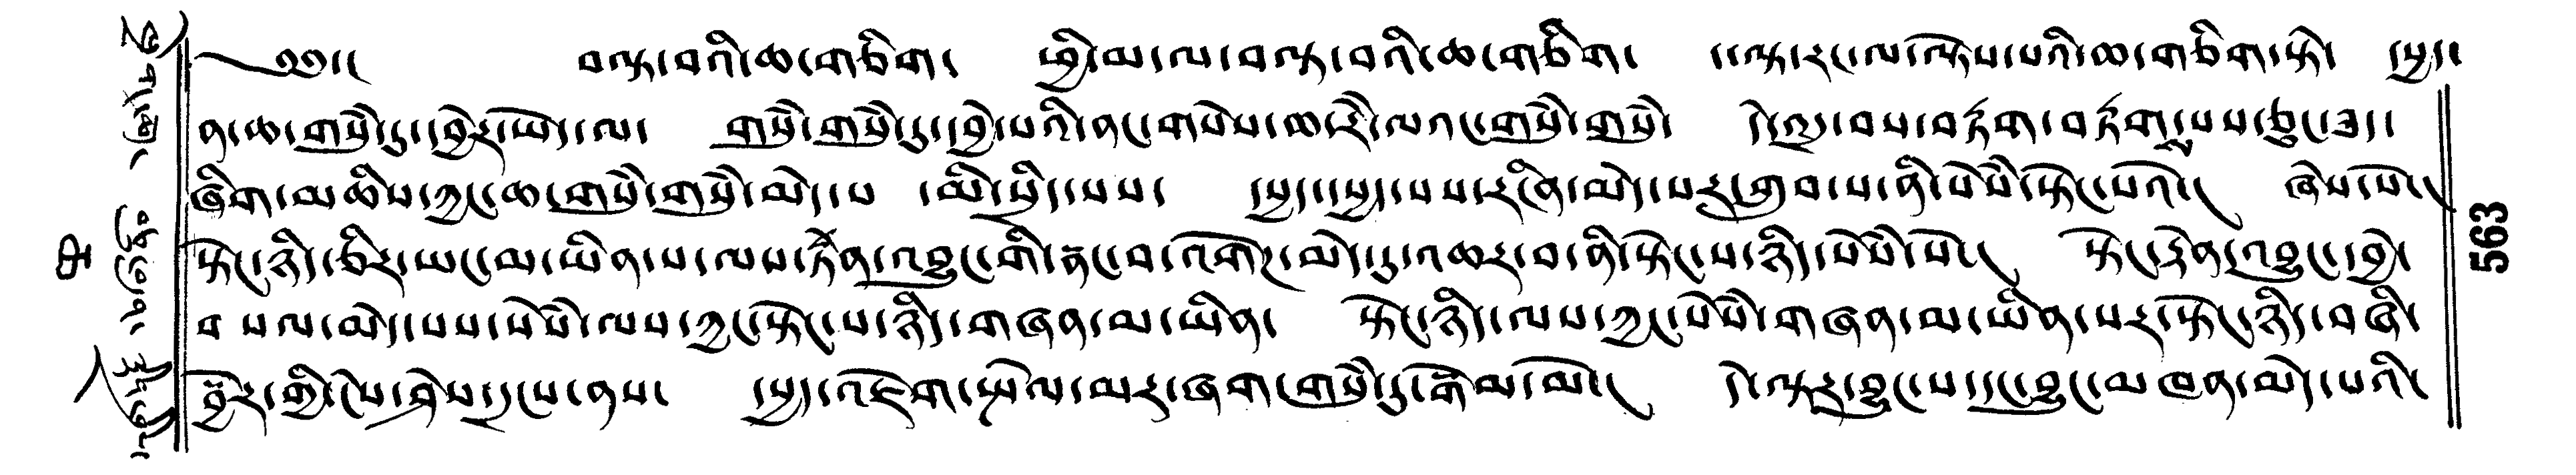བལྟ་བའི་ཆ་གཅིག ཕྱི་མ་ལ་བལྟ་བའི་ཆ་གཅིག ད་ལྟ་རང་ལ་ལྟོས་པའི་ཆ་གཅིག་སྟེ། དཔྱད་
ན་ཆ་གསུམ་དུ་དབྱེར་ཡོད་ལ། གསུམ་གསུམ་དུ་དབྱེ་པའི་ནང་གསེས་ཆ་རེ་རེ་ལའང་གསུམ་གསུམ། དེ་འདྲ་བས་བརྟག་བརྟགས་པས་ཅུང་ཟད་
ཞིག་མཆིས་ཀྱང་ཆ་གསུམ་གསུམ་མེད་པ་མི་སྲིད་པས། དཔྱད་དཔྱད་པས་རང་བཞིན་མེད་པར་གྲུབ་པ་ནི་སེམས་སྟོང་པའོ། ཞེས་སོ། 
སྟོང་ཉིད་ཅིར་ཡང་མ་ཡིན་པ་ལས་རྟེན་འབྱུང་གི་སྣང་བ་འགག་མེད་དུ་འཆར་བ་ནི་སྟོང་པ་ཉིད་སེམས་སོ།སྟོང་རྟེན་འབྱུང་དབྱེ་
བསལ་མེད་པས་སེམས་ལས་ཀྱང་སྟོང་པ་ཉིད་གཞན་མ་ཡིན། སྟོང་ཉིད་ལས་ཀྱང་སེམས་གཞན་མ་ཡིན་པར་སྟོང་ཉིད་བཞི་
སྦྱོར་གྱི་ངེས་ཤེས་དྲངས་ནས། དཔྱད་འཇོག་སྤེལ་མར་ཞག་གསུམ་དུ་སྒོམ་མོ། དེ་ལྟར་བྱུང་ས་དང་བྱུང་མཁན་མེད་པའི་